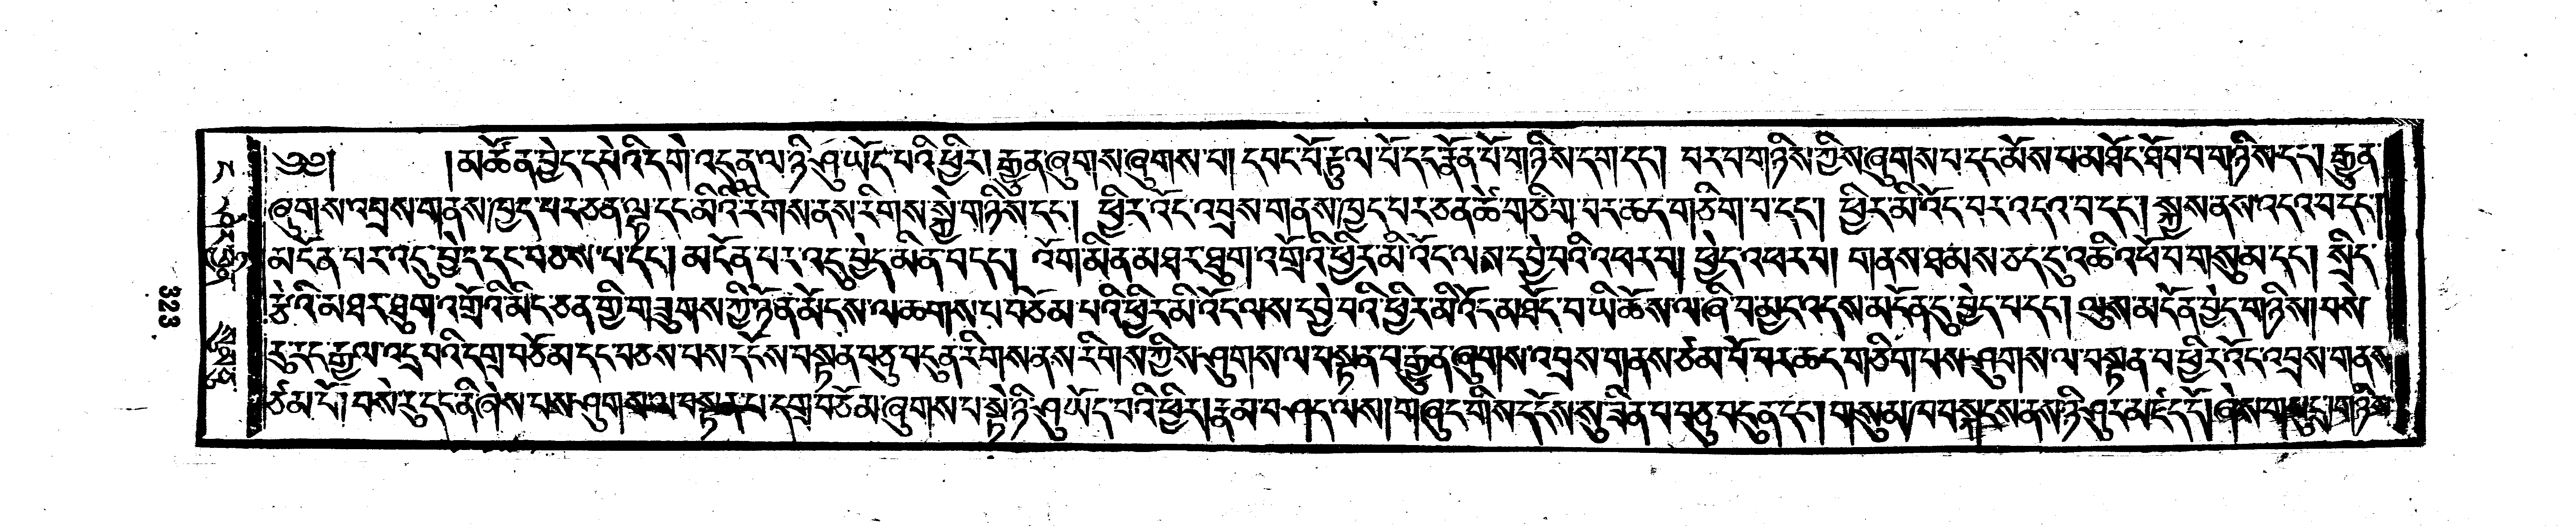༄༅། །མཚོན་བྱེད་དཔེའི་དགེ་འདུན་ལ་ཉི་ཤུ་ཡོད་པའི་ཕྱིར། རྒྱུན་ཞུགས་ཞུགས་པ། དབང་པོ་རྟུལ་པོ་དང་རྣོན་པོ་གཉིས་དག་དང་། བར་པ་གཉིས་ཀྱིས་ཞུགས་པ་དང་མོས་པ་མཐོང་ཐོབ་པ་གཉིས་དང་། རྒྱུན་
ཞུགས་འབྲས་གནས་ཁྱད་པར་ཅན་ལྷ་དང་མིའི་རིགས་ནས་རིགས་སྐྱེ་གཉིས་དང་། ཕྱིར་འོང་འབྲས་གནས་ཁྱད་པར་ཅན་ཚེ་གཅིག་བར་ཆད་གཅིག་པ་དང་། ཕྱིར་མི་འོང་བར་འདའ་བ་དང་། སྐྱེས་ནས་འདའ་བ་དང་།
མངོན་པར་འདུ་བྱེད་དང་བཅས་པ་དང་། མངོན་པར་འདུ་བྱེད་མིན་པ་དང་། འོག་མིན་མཐར་ཐུག་འགྲོའི་ཕྱིར་མི་འོང་ལས་དབྱེ་བའི་འཕར་བ། ཕྱེད་འཕར་བ། གནས་ཐམས་ཅད་དུ་འཆི་འཕོ་བ་གསུམ་དང་། སྲིད་
རྩེའི་མཐར་ཐུག་འགྲོའི་མིང་ཅན་གྱི་གཟུགས་ཀྱི་ཉོན་མོངས་ལ་ཆགས་པ་བཅོམ་པའི་ཕྱིར་མི་འོང་ལས་དབྱེ་བའི་ཕྱིར་མི་འོང་མཐོང་བ་ཡི་ཆོས་ལ་ཞི་བ་མྱང་འདས་མངོན་དུ་བྱེད་པ་དང་། ལུས་མངོན་བྱེད་གཉིས། བསེ་
རུ་རང་རྒྱལ་འདྲ་བའི་དགྲ་བཅོམ་དང་བཅས་པས་དངོས་བསྟན་བཅུ་བདུན་རིགས་ནས་རིགས་ཀྱིས་ཤུགས་ལ་བསྟན་པ་རྒྱུན་ཞུགས་འབྲས་གནས་ཙམ་པོ་བར་ཆད་གཅིག་པས་ཤུགས་ལ་བསྟན་པ་ཕྱིར་འོང་འབྲས་གནས་
ཙམ་པོ། བསེ་རུ་དང་ནི་ཞེས་པས་ཤུགས་ལ་བསྟན་པ་དགྲ་བཅོམ་ཞུགས་པ་སྟེ་ཉི་ཤུ་ཡོད་པའི་ཕྱིར། རྣམ་བཤད་ལས། གཞུང་གིས་དངོས་སུ་ཟིན་པ་བཅུ་བདུན་དང་། གསུམ་ཁ་བསྐངས་ནས་ཉི་ཤུར་མཛད་དོ། ཞེས་གསུངས། གཉིས་